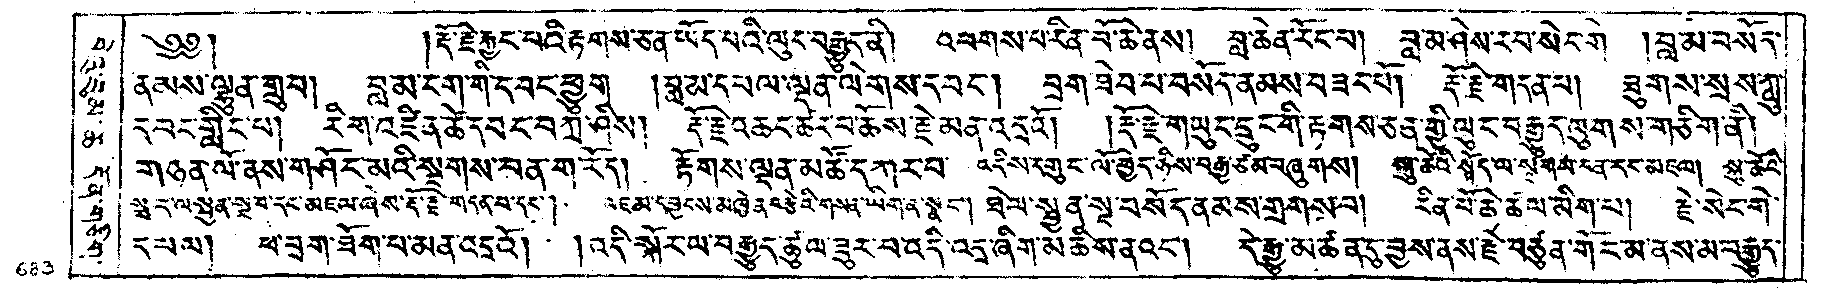༄༅། །རྡོ་རྗེ་རྐྱང་པའི་རྟགས་ཅན་ཡོད་པའི་ལུང་བརྒྱུད་ནི། འཕགས་པ་རིན་པོ་ཆེ་ནས། བླ་ཆེན་རོང་པ། བླ་མ་ཤེས་རབ་སེང་གེ །བླ་མ་བསོད་
ནམས་ལྷུན་གྲུབ། བླ་མ་ངག་གི་དབང་ཕྱུག །བླ་མ་དཔལ་ལྡན་ལེགས་དབང་། བྲག་ཐེབ་པ་བསོད་ནམས་བཟང་པོ། རྡོ་རྗེ་གདན་པ། ཐུགས་སྲས་ཀླུ་
དབང་གླིང་པ། རིག་འཛིན་ཚེ་དབང་བཀྲ་ཤིས། རྡོ་རྗེ་འཆང་ཚར་པ་ཆོས་རྗེ་མན་འདྲའོ། །རྡོ་རྗེ་གཡུང་དྲུང་གི་རྟགས་ཅན་གྱི་ལུང་བརྒྱུད་ལུགས་གཅིག་ནི།
གཉན་ལོ་ནས་གཤོང་མའི་སྔགས་བན་ག་རོད། རྟོགས་ལྡན་མཚོ་དཀར་བ་འདིས་དགུང་ལོ་ཕྱེད་ཉིས་བརྒྱ་ཙམ་བཞུགས། སྐུ་ཚེའི་སྟོད་ལ་སྔགས་བན་དང་མཇལ། སྐུ་ཚེའི་
སྨད་ལ་སྤྱན་སྔ་བ་དང་མཇལ་ཞེས་རྡོ་རྗེ་གདན་པ་དང་། འཇམ་དབྱངས་མཁྱེན་བརྩེའི་གསན་ཡིག་ན་སྣང་། ཐེལ་སྤྱན་སྔ་བསོད་ནམས་གྲགས་པ། རིན་པོ་ཆེ་ཚལ་མིག་པ། རྗེ་སེང་གེ་
དཔལ། ཕ་བྲག་ཐོག་པ་མན་འདྲའོ། །འདི་སྐོར་ལ་བརྒྱུད་ཚུལ་ཟུར་བ་འདི་འདྲ་ཞིག་མཆིས་ནའང་། དེ་རྒྱུ་མཚན་དུ་བྱས་ནས་རྗེ་བཙུན་གོང་མ་ནས་མ་བརྒྱུད་